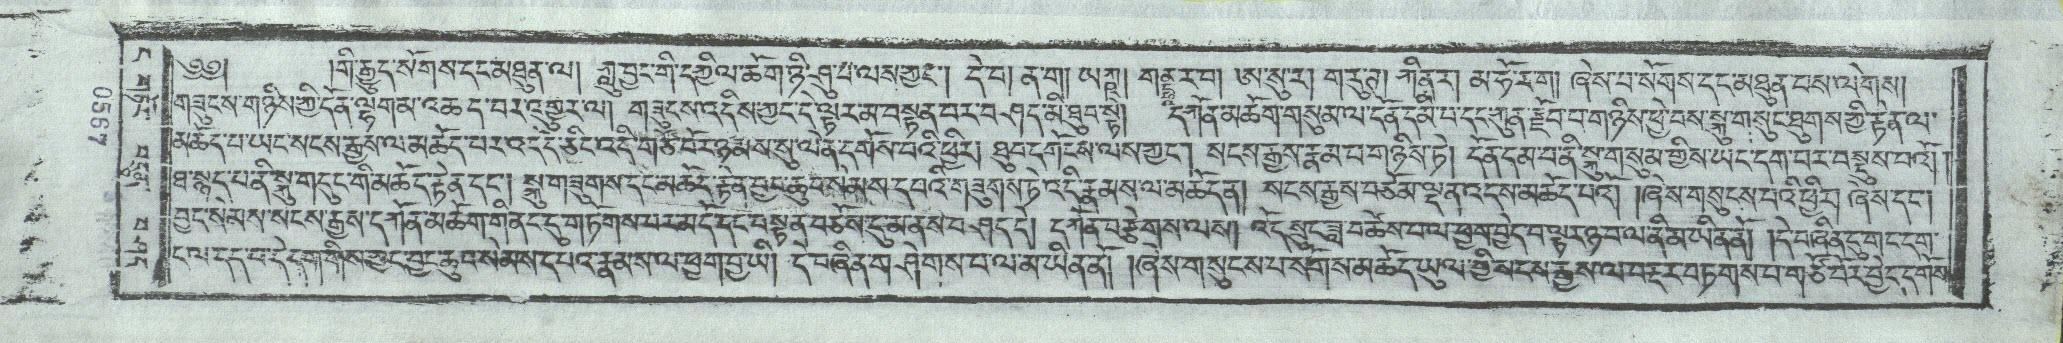༄༅། །གི་རྒྱུད་སོགས་དང་མཐུན་ལ། ཀླུ་བྱང་གི་དཀྱིལ་ཆོག་ཉི་ཤུ་པ་ལས་ཀྱང་། དེ་བ། ན་ག། ཡ་ཀཥ། གནྡྷཱ་ར་བ། ཨ་སུ་ར། ག་རུ་ཊ། ཀི་ནྣ་ར། མ་ཧོ་ར་ག། ཞེས་པ་སོགས་དང་མཐུན་པས་ལེགས།
གཟུངས་གཉིས་ཀྱི་དོན་ལྷག་མ་འཆད་པར་འགྱུར་ལ། གཟུངས་འདིས་ཀྱང་དེ་ལྟར་མ་བསྟན་པར་བཤད་མི་ཐུབ་སྟེ། དཀོན་མཆོག་གསུམ་ལ་དོན་ད་མི་པ་དང་ཀུན་རྫོབ་པ་གཉིས་ཕྱེ་བས་སྐུ་གསུང་ཐུགས་ཀྱི་རྟེན་ལ་
མཆོད་པ་ཡང་སངས་རྒྱས་ལ་མཆོད་པར་འདོད་ཅིང་འདི་གཙོ་བོར་ཉམས་སུ་ལེན་དགོས་པའི་ཕྱིར། ཐུབ་དགོངས་ལས་ཀྱང་། སངས་རྒྱས་རྣམ་པ་གཉིས་ཏེ། དོན་དམ་པ་ནི་སྐུ་གསུམ་གྱིས་ཡང་དག་པར་བསྡུས་པའ།།
ཐ་སྙད་པ་ནི་སྐུ་གདུང་གི་མཆོད་རྟེན་དང་། སྐུ་གཟུགས་དང་མཆོད་རྟེན་བྱང་ཆུབ་སེམས་དཔའི་གཟུགས་ཏེ་འདི་རྣམས་ལ་མཆོད་ན། སངས་རྒྱས་བཅོམ་ལྡན་འདས་མཆོད་པའོ། །ཞེས་གསུངས་པའི་ཕྱིར། ཞེས་དང་།
བྱང་སེམས་སངས་རྒྱས་དཀོན་མཆོག་གི་ནང་དུ་གཏོགས་པར་མདོ་དང་བསྟན་བཅོས་དུ་མ་ནས་བཤད་དེ། དཀོན་བརྩེགས་ལས། འོད་སྲུང་ཟླ་བ་ཚེས་པ་ལ་ཕྱག་བྱེད་པ་ལྟར་ཉ་བ་ལ་ནི་མ་ཡིན་ནོ། །དེ་བཞིན་དུ་གང་དག་
ང་ལ་དད་པ་དེ་དག་གིས་ཀྱང་བྱང་ཆུབ་སེམས་དཔའ་རྣམས་ལ་ཕྱག་བྱ་ཡི། དེ་བཞིན་གཤེགས་པ་ལ་མ་ཡིན་ནོ། །ཞེས་གསུངས་པ་སོགས་མཆོད་ཡུལ་གྱི་སངས་རྒྱས་ལ་བརྡར་བཏགས་པ་གཙོ་བོར་བྱེད་དགོས་